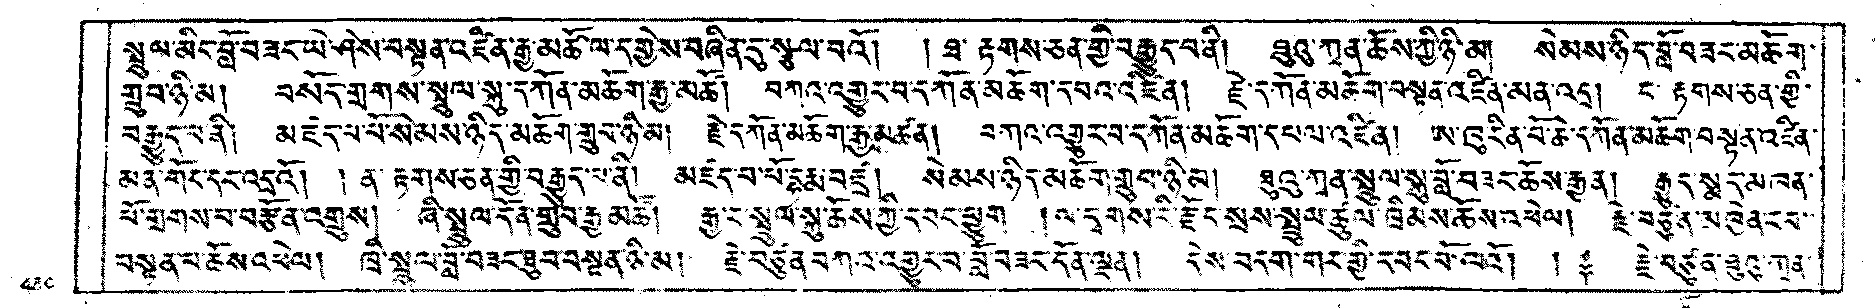སྤྲུལ་མིང་བློ་བཟང་ཡེ་ཤེས་བསྟན་འཛིན་རྒྱ་མཚོ་ལ་དགྱེས་བཞིན་དུ་སྩལ་བའོ། །ཐ་རྟས་ཅན་གྱི་བརྒྱུད་པ་ནི། ཐུའུ་ཀྭན་ཆོས་ཀྱི་ཉི་མ། སེམས་ཉིད་བློ་བཟང་མཆོག་
གྲུབ་ཉི་མ། བསོད་གྲགས་སྤྲུལ་སྐུ་དཀོན་མཆོག་རྒྱ་མཚོ། བཀའ་འགྱུར་བ་དཀོན་མཆོག་དཔའ་འཛིན། རྗེ་དཀོན་མཆོག་བསྟན་འཛིན་མན་འདྲ། ང་རྟགས་ཅན་གྱི་
བརྒྱུད་པ་ནི། མཛད་པ་པོ་སེམས་ཉིད་མཆོག་གྲུབ་ཉི་མ། རྗེ་དཀོན་མཆོག་རྒྱལ་མཚན། བཀའ་འགྱུར་བ་དཀོན་མཆོག་དཔལ་འཛིན། ཨ་ཁུ་རིན་པོ་ཆེ་དཀོན་མཆོག་བསྟན་འཛིན་
མན་གོང་དང་འདྲའོ། །ན་རྟགས་ཅན་གྱི་བརྒྱུད་པ་ནི། མཛད་པ་པོ་དྷརྨ་བཛྲ། སེམས་ཉིད་མཆོག་གྲུབ་ཉི་མ། ཐུའུ་ཀྭན་སྤྲུལ་སྐུ་བློ་བཟང་ཆོས་རྒྱན། རྒྱུད་སྨད་མཁན་
པོ་གྲགས་པ་བརྩོན་འགྲུས། ཞི་སྤྲུལ་དོན་གྲུབ་རྒྱ་མཚོ། རྒྱ་ར་སྤྲུལ་སྐུ་ཆོས་ཀྱི་དབང་ཕྱུག །ལ་དྭགས་རི་རྫོང་སྲས་སྤྲུལ་ཚུལ་ཁྲིམས་ཆོས་འཕེལ། རྗེ་བཙུན་མཁྱེན་རབ་
བསྟན་པ་ཆོས་འཕེལ། ཁྲི་སྤྲུལ་བློ་བཟང་ཐུབ་བསྟན་ཉི་མ། རྗེ་བཙུན་བཀའ་འགྱུར་བ་བློ་བཟང་དོན་ལྡན། དེས་བདག་གར་གྱི་དབང་པོ་ལའོ། །༈ རྗེ་བཙུན་ཐུའུ་ཀྭན་